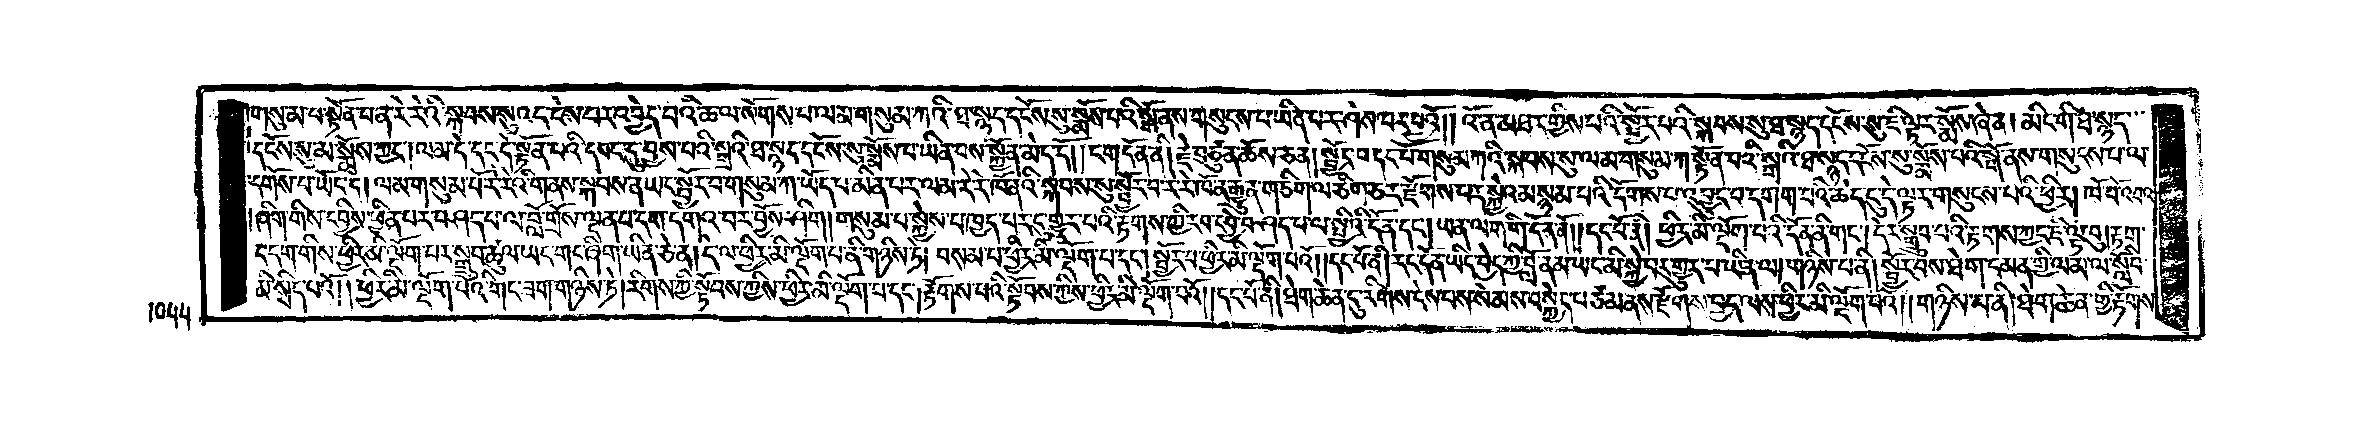གསུམ་པ་སྟོན་པ་ན་རེ་རེའི་སྐབས་སུའང་ངེས་པར་འབྱེད་པའི་ཆ་ལ་སོགས་པ་ལམ་གསུམ་ཀའི་ཐ་སྙད་དངོས་སུ་སྨོས་པའི་སྒོ་ནས་གསུངས་པ་ཡིན་པར་ཤེས་པར་བྱའོ། །འོ་ན་མཐར་གྱིས་པའི་སྦྱོར་བའི་སྐབས་སུ་ཐ་སྙད་དངོས་སུ་ཇི་ལྟར་སྨོས་ཞེ་ན། མིང་གི་ཐ་སྙད་
དངོས་སུ་མ་སྨྲོས་ཀྱང་། ལམ་དེ་དང་དེ་སྟོན་པའི་དབང་དུ་བྱས་པའི་སྒྲའི་ཐ་སྙད་དངོས་སུ་སྨོས་པ་ཡིན་པས་སྐྱོན་མེད་དོ། །ངག་དོན་ནི། རྗེ་བཙུན་ཆོས་ཅན། སྦྱོར་བ་དང་པོ་གསུམ་ཀའི་སྐབས་སུ་ལམ་གསུམ་ཀ་སྟོན་པའི་སྒྲའི་ཐ་སྙད་དངོས་སུ་སྨོས་པའི་སྒོ་ནས་གསུངས་པ་ལ་
དགོས་པ་ཡོད་དེ། ལམ་གསུམ་པོ་རེ་རེའི་གནས་སྐབས་ན་ཡང་སྦྱོར་བ་གསུམ་ཀ་ཡོད་པ་མིན་པར་ལམ་རེ་རེ་ཁོ་ནའི་སྐབས་སུ་སྦྱོར་བ་རེ་རེ་ཁོ་ན་རྒྱུན་གཅིག་ལ་ཅིག་ཅར་རྫོགས་པར་སྐྱེའམ་སྙམ་པའི་དོགས་པ་འབྱུང་བ་དགག་པའི་ཆེད་དུ་དེ་ལྟར་གསུངས་པའི་ཕྱིར། ཁོ་བོ་འབའ་
ཞིག་གིས་དབྱིས་ཕྱིན་པར་བཤད་པ་ལ་བློ་གྲོས་ལྡན་པ་དག་དགའ་བར་བྱོས་ཤིག །གསུམ་པ་སྐྱེས་པ་ཁྱད་པར་དུ་གྱུར་པའི་རྟོགས་ཀྱི་རབ་དབྱེ་བཤད་པ་ལ་སྤྱིའི་དོན་དང་། ཡན་ལག་གི་དོན་ནོ། །དང་པོ་ནི། ཕྱིར་མི་ལྡོག་པའི་དོན་ནི་གང་། དེར་སྒྲུབ་པའི་རྟགས་ཀྱང་ཇི་ལྟ་བུ། རྟགས་
དེ་དག་གིས་ཕྱིར་མི་ལྡོག་པར་སྒྲུབ་ཚུལ་ཡང་གང་ཞིག་ཡིན་ཅེ་ན། དེ་ལ་ཕྱིར་མི་ལྡོག་པ་ནི་གཉིས་ཏེ། བསམ་པ་ཕྱིར་མི་ལྡོག་པ་དང་། སྦྱོར་བ་ཕྱིར་མི་ལྡོག་པའོ། །དང་པོ་ནི། རང་དོན་ཡིད་བྱེད་ཀྱི་བློ་ནམ་ཡང་མི་སྐྱེ་བར་གྱུར་པ་ཡིན་ལ། གཉིས་པ་ནི། སྦྱོར་བས་ཐེག་དམན་གྱི་ལམ་ལ་སློབ་
མི་སྲིད་པའོ། །ཕྱིར་མི་ལྡོག་པའི་གང་ཟག་གཉིས་ཏེ། རིགས་ཀྱི་སྟོབས་ཀྱིས་ཕྱིར་མི་ལྡོག་པ་དང་། རྟོགས་པའི་སྟོབས་ཀྱིས་ཕྱིར་མི་ལྡོག་པའོ། །དང་པོ་ནི། ཐེག་ཆེན་དུ་རིགས་ངེས་པས་སེམས་བསྐྱེད་པ་ཙམ་ནས་རྫོགས་བྱང་ལས་ཕྱིར་མི་ལྡོག་པའོ། །གཉིས་པ་ནི། ཐེག་ཆེན་གྱི་རྟོགས་